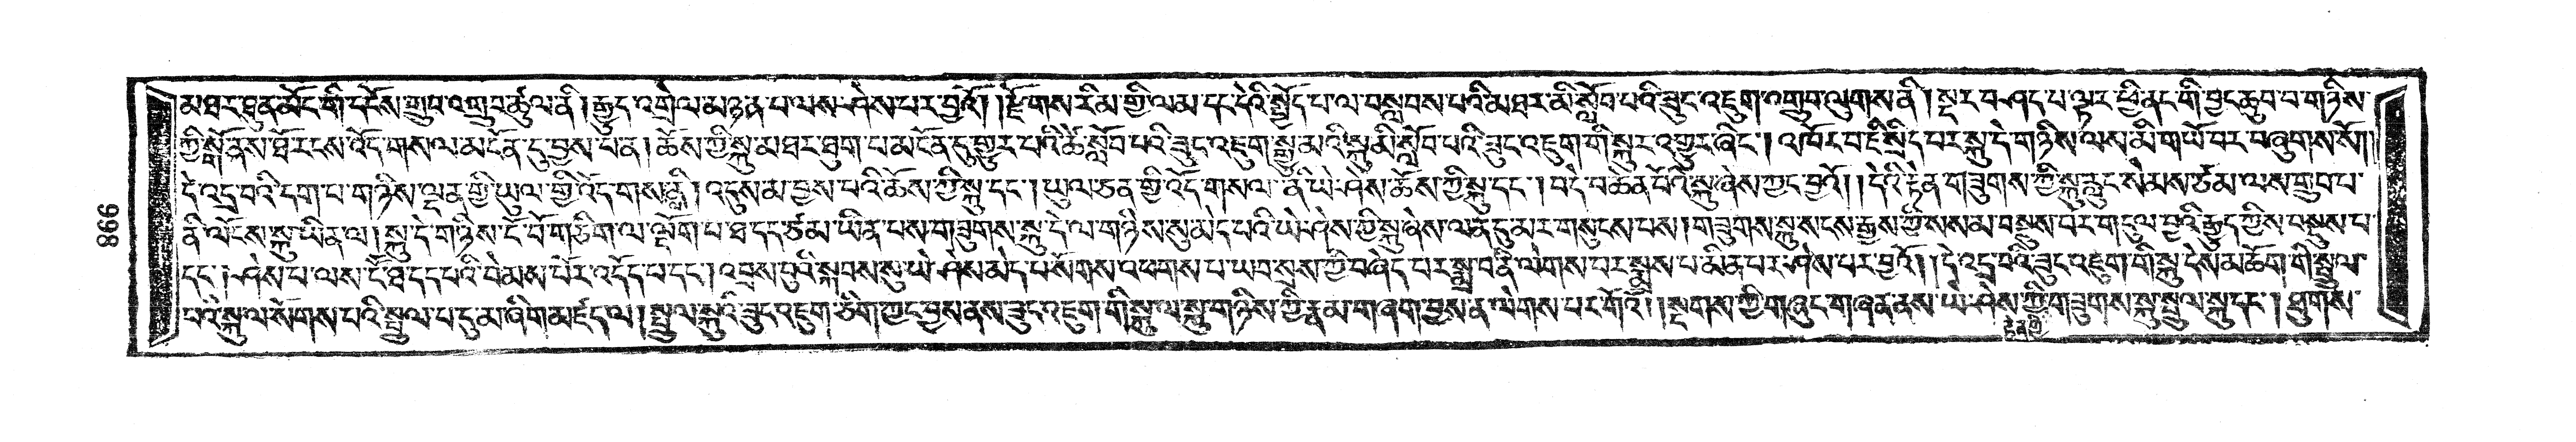མཐར་ཐུན་མོང་གི་དངོས་གྲུབ་འགྲུབ་ཚུལ་ནི། རྒྱུད་འགྲེལ་མཉན་པ་ལས་ཤེས་པར་བྱའོ། །རྫོགས་རིམ་གྱི་ལམ་དང་དེའི་སྤྱོད་པ་ལ་བསླབས་པའི་མཐར་མི་སློབ་པའི་ཟུང་འཇུག་འགྲུབ་ལུགས་ནི། སྔར་བཤད་པ་ལྟར་ཕྱི་ནང་གི་བྱང་ཆུབ་པ་གཉིས་
ཀྱི་སྒོ་ནས་ཐོ་རངས་འོད་གསལ་མངོན་དུ་བྱས་པ་ན། ཆོས་ཀྱི་སྐུ་མཐར་ཐུག་པ་མངོན་དུ་གྱུར་པའི་ཚེ་སློབ་པའི་ཟུང་འཇུག་སྒྱུ་མའི་སྐུ་མི་སློབ་པའི་ཟུང་འཇུག་གི་སྐུར་འགྱུར་ཞིང་། འཁོར་བ་ཇི་སྲིད་པར་སྐུ་དེ་གཉིས་ལས་མི་གཡོ་བར་བཞུགས་སོ། །
དེ་འདྲ་བའི་དག་པ་གཉིས་ལྡན་གྱི་ཡུལ་གྱི་འོད་གསལ་ནི། འདུས་མ་བྱས་པའི་ཆོས་ཀྱི་སྐུ་དང་། ཡུལ་ཅན་གྱི་འོད་གསལ་ནི་ཡེ་ཤེས་ཆོས་ཀྱི་སྐུ་དང་། བདེ་བ་ཆེན་པོའི་སྐུ་ཞེས་ཀྱང་བྱའོ། །དེའི་རྟེན་གཟུགས་ཀྱི་སྐུ་རླུང་སེམས་ཙམ་ལས་གྲུབ་པ་
ནི་ལོངས་སྐུ་ཡིན་ལ། སྐུ་དེ་གཉིས་ངོ་བོ་གཅིག་ལ་ལྡོག་པ་ཐ་དད་ཙམ་ཡིན་པས་གཟུགས་སྐུ་དེ་ལ་གཉིས་སུ་མེད་པའི་ཡེ་ཤེས་ཀྱི་སྐུ་ཞེས་ལན་དུ་མར་གསུངས་པས། གཟུགས་སྐུ་སངས་རྒྱས་ཀྱི་སས་མ་བསྡུས་པར་གདུལ་བྱའི་རྒྱུད་ཀྱིས་བསྡུས་པ་
དང་། ཤེས་པ་ལས་ངོ་ཐ་དད་པའི་བམས་པོར་འདོད་པ་དང་། འབྲས་བུའི་སྐབས་སུ་ཡེ་ཤེས་མེད་པ་སོགས་འཕགས་པ་ཡབ་སྲས་ཀྱི་བཞེད་པར་སྨྲ་བ་ནི་ལེགས་པར་སྨྲས་པ་མིན་པར་ཤེས་པར་བྱའོ། །དེ་འདྲ་བའི་ཟུང་འཇུག་གི་སྐུ་དེས་མཆོག་གི་སྤྲུལ་
པའི་སྐུ་ལ་སོགས་པའི་སྤྲུལ་པ་དུ་མ་ཞིག་མཛད་ལ། སྤྲུལ་སྐུའི་ཟུང་འཇུག་ཅིག་ཀྱང་བྱས་ནས་ཟུང་འཇུག་གི་སྐུ་ལ་སྐུ་གཉིས་ཀྱི་རྣམ་གཞག་བྱས་ན་ལེགས་པར་གོའོ། །སྔགས་ཀྱི་གཞུང་གཞན་ནས་ཡེ་ཤེས་ཀྱི་རྟེན་གྱི་གཟུགས་སྐུ་སྤྲུལ་སྐུ་དང་། ཐུགས་